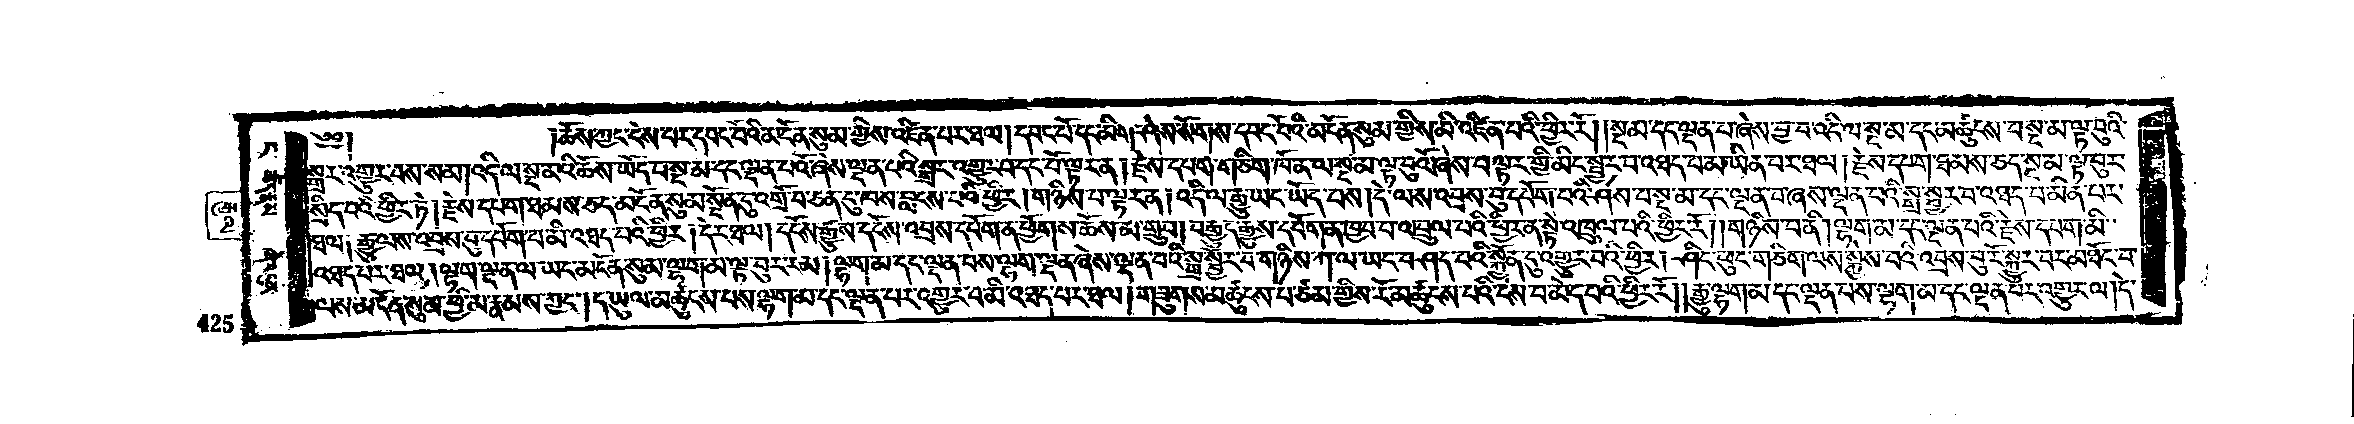༄༅། །ཆོས་ཀྱང་ངེས་པར་དབང་པོའི་མངོན་སུམ་གྱིས་འཛིན་པར་ཐལ། དབང་པོ་དང་མི་ཤེས་སོགས་དབང་པོའི་མངོན་སུམ་གྱིས་མི་འཛིན་པའི་ཕྱིར་རོ། །སྔ་མ་དང་ལྡན་པ་ཞེས་བྱ་བ་འདི་ལ་སྔ་མ་དང་མཚུངས་པ་སྔ་མ་ལྟ་བུའི་
སྒྲར་འགྱུར་བས་སམ། འདི་ལ་སྔ་མའི་ཆོས་ཡོད་པ་སྔ་མ་དང་ལྡན་པའོ་ཞེས་ལྡན་པའི་སྒྲར་འགྱུར་བ་དང་པོ་ལྟར་ན། རྗེས་དཔག་གཅིག་ཁོ་ན་ལ་སྔ་མ་ལྟ་བུའོ་ཞེས་བལྟར་གྱི་མིང་སྦྱར་བ་འཐད་པ་མ་ཡིན་པར་ཐལ། རྗེས་དཔག་ཐམས་ཅད་སྔ་མ་ལྟ་བུར་
སྲིད་པའི་ཕྱིར་ཏེ། རྗེས་དཔག་ཐམས་ཅད་མངོན་སུམ་སྔོན་དུ་འགྲོ་བ་ཅན་དུ་ཁས་བླངས་པའི་ཕྱིར། གཉིས་པ་ལྟར་ན། དི་ལ་རྒྱུ་ཡང་ཡོད་པས། དེ་ལས་འབྲས་བུ་དཔོག་པའི་ཤེས་པ་སྔ་མ་དང་ལྡན་པ་ཞེས་ལྡན་པའི་སྒྲ་སྦྱར་བ་འཐད་པ་མིན་པར་
ཐལ། རྒྱུ་ལས་འབྲས་བུ་དཔོག་པ་མི་འཐད་པའི་ཕྱིར། དེར་ཐལ། དངོས་རྒྱུས་དངོས་འབྲས་དཔོག་ན་ཕྱོགས་ཆོས་མ་གྲུབ། བརྒྱུད་རྒྱུས་དཔོག་ན་ཁྱབ་པ་འཁྲུལ་པའི་ཕྱིར་ན་སྟེ་འཁྲུལ་པའི་ཕྱིར་རོ། །གཉིས་པ་ནི། ལྷག་མ་དང་ལྡན་པའི་རྗེས་དཔག་མི་
འཐད་པར་ཐལ། ལྷག་ལྡན་ལ་ཡང་མངོན་སུམ་ལྷག་མ་ལྟ་བུར་རམ། ལྷག་མ་དང་ལྡན་པས་ལྷག་ལྡན་ཞེས་ལྡན་པའི་སྒྲ་སྦྱོར་བ་གཉིས་ཀ་ལ་ཡང་བཤད་པའི་སྐྱོན་དུ་འགྱུར་བའི་ཕྱིར། ཤིང་ཕུང་གཅིག་ལས་སྐྱེས་པའི་འབྲས་བུ་རོ་སྐྱུར་བར་མཐོང་བ་
ལས་མངོན་སུམ་ཕྱི་མི་རྣམས་ཀྱང་། ད་ཡུལ་མཚུངས་པས་ལྷག་མ་དང་ལྡན་པར་འགྱུར་བ་མི་འཐད་པར་ཐལ། གཟུགས་མཚུངས་པ་ཙམ་གྱིས་རོ་མཚུངས་པའི་ངེས་པ་མེད་པའི་ཕྱིར་རོ། །རྒྱུ་ལྷག་མ་དང་ལྡན་པས་ལྷག་མ་དང་ལྡན་པར་འགྱུར་ལ། དེ་